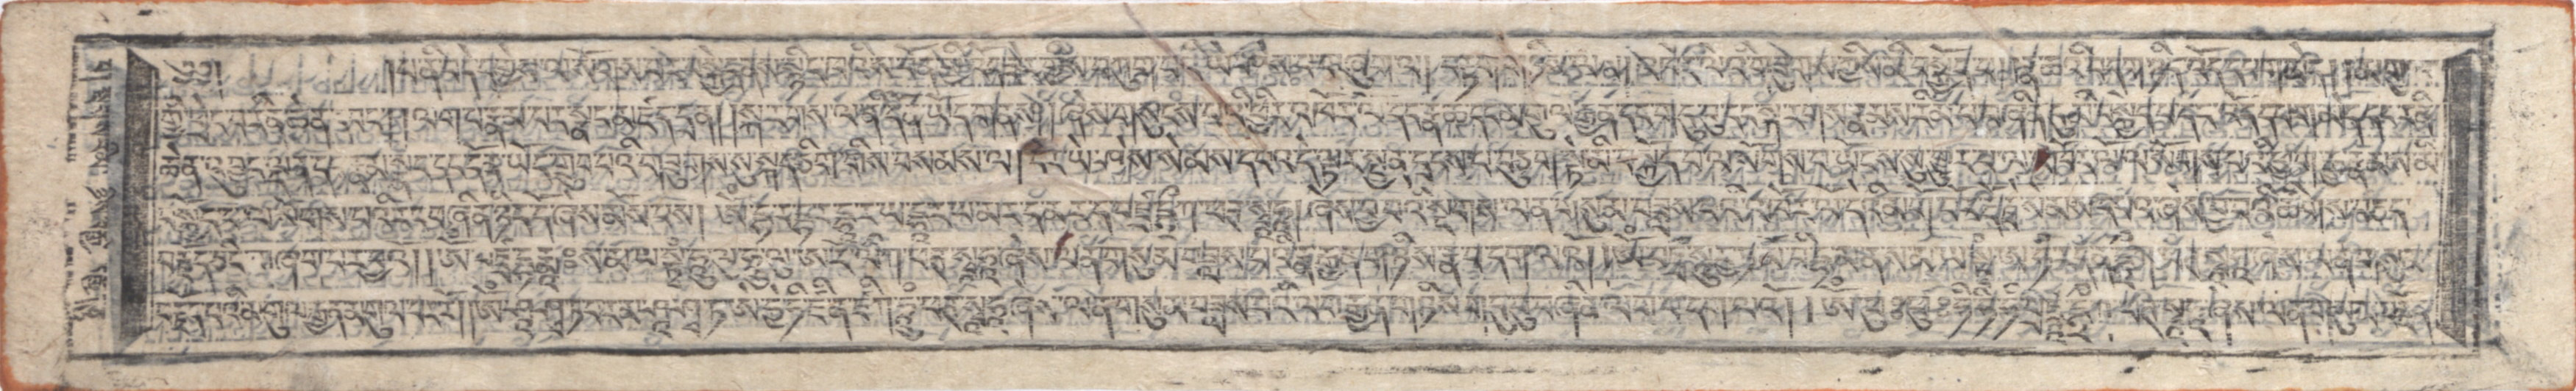༄༅། །པ་ནི་བདེ་དགྱེས་ལ་སོགས་པར་བསྐྱེད་ནས་སྙིང་ཁའི་ས་བོན་གྱི་འོད་ཟེར་གྱིས་བཀུག་པའི་ཡེ་ཤེས་པ་གཞུག་ལ། བརྟག་གཉིས་ལས། འཁོར་ལོའི་གཟུགས་ཀྱིས་མི་བསྐྱོད་པ། །རྣ་ཆའི་བདག་ཉིད་འོད་དཔག་མེད། །མགུལ་
གྱི་ཕྲེང་བ་རིན་ཆེན་དབང་། །ལག་པ་རྣམ་པར་སྣང་མཛད་དྲན། །སྐ་རགས་ལ་ནི་དོན་ཡོད་གནས། །ཞེས་གསུངས་པའི་ཕྱིར་འཁོར་ལོ་དང་རྣ་ཆ་དང་མགུལ་རྒྱན་དང་གདུ་བུ་དང་སྐ་རགས་རྣམས་རིམ་པ་བཞིན་དུ་མི་བསྐྱོད་པ་དང་འོད་དཔག་མེད་དང་རིན་
ཆེན་འབྱུང་ལྡན་དང་རྣམ་སྣང་དང་དོན་ཡོད་གྲུབ་པའི་གཟུགས་སུ་སྐད་ཅིག་གིས་བསམས་ལ། དེར་ཡེ་ཤེས་སེམས་དཔའ་དེ་ལྟར་སྤྱན་དྲངས་པ་བཅུག་སྟེ་མི་བསྐྱོད་པ་ལ་སོགས་པ་ཡོངས་སུ་གྱུར་པ་ལ་འཁོར་ལོ་ལ་སོགས་པའི་ཕྱག་རྒྱ་རྣམས་མི་
བསྐྱོད་པ་ལ་སོགས་པའི་རང་བཞིན་ཉིད་དོ་ཞེས་མོས་པས། ཨོཾ་དྷ་ར་དྷ་ར་དྷཱ་ར་ཡ་དྷཱ་ར་ཡ་མར་ད་མར་ད་བཛྲ་དྷྲྀ་ཀ་ཕཊ་སྭཱ་ཧཱ། ཞེས་བྱ་བའི་སྔགས་ལན་གསུམ་བཟླས་པའི་འཁོར་ལོ་དེའི་མགོ་བོར་རྡོ་རྗེ་སེམས་དཔའ་ཞེས་བྱ་བའི་ཚིགས་བཅད་
བརྗོད་ཅིང་བཞག་པར་བྱའོ། །ཨོཾ་བཛྲ་དྷརྨའཿ ས་མ་ཡ་སྟྭཾ་ཧཱུ་ལུ་ཧཱུ་ལུ་ཨ་རོ་ལྀཀ་ཕཊ་སྭཱཧཱ་ཞེས་ལན་གསུམ་བཟླས་པའི་རྣ་རྒྱན་གཉིས་རྣ་བ་དག་ལའོ། །ཨོཾ་བཛྲ་སཱུརྱ་ཏ་མོ་བི་དྷ་མ་ན་ས་མ་ཡ་སྟྭཾ་ཨ་ཧཾ་རད་ན་དྷྲྀཀ་ཕཊ་སྭཱཧཱ་ཞེས་ལན་གསུམ་
བརྗོད་པའི་མགུལ་རྒྱན་མགུལ་པར་རོ། །ཨོཾ་ཤཱ་ཤྭ་ཏ་པ་ར་མ་ཤཱ་ཤྭ་ཏ་ཨེ་ཧྱེ་ཧི་ཛི་ན་ཛི་ཀ་ཧཱུཾ་ཕཊ་སྭཱཧཱ་ཞེས་ལན་གསུམ་བཟླས་པའི་ལག་རྒྱན་གཉིས་གདུ་བུ་བཞིན་ལག་པ་དག་ལའོ། །ཨོཾ་ཕུཿ ཕུཿ ཧི་ཧི་ཧི་པྲཛྙཱ་དྷྲྀ་ཀ་ཕཊ་སྭཱ་ཧཱ་ཞེས་ལན་གསུམ་བརྗོད་